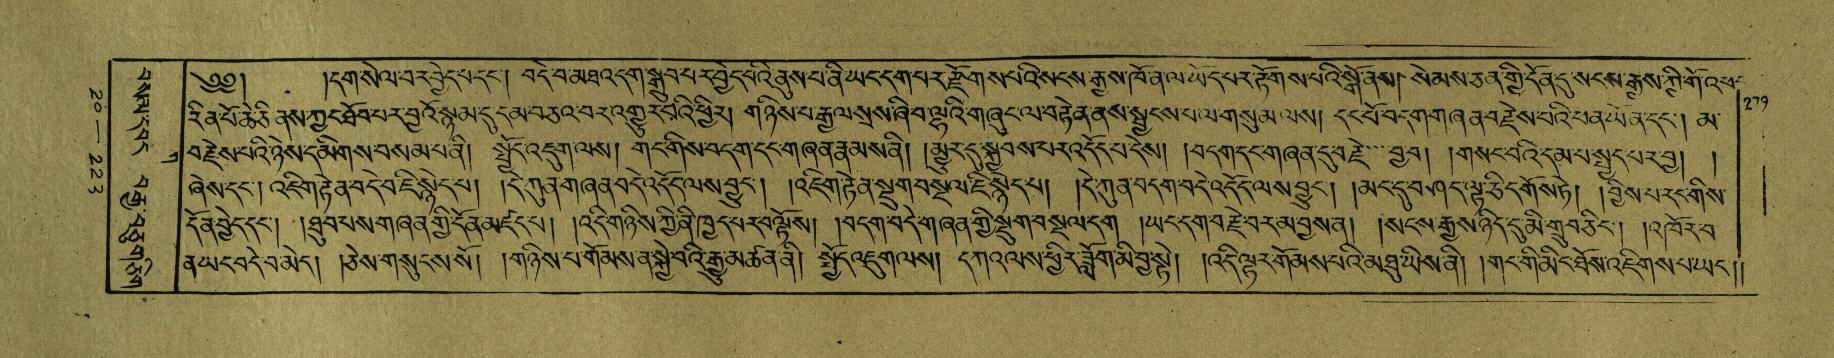༄༅། །དག་སེལ་བར་བྱེད་པ་དང་། བདེ་བ་མཐའ་དག་སྒྲུབ་པར་བྱེད་པའི་ནུས་པ་ནི་ཡང་དག་པར་རྫོགས་པའི་སངས་རྒྱས་ཁོ་ན་ལ་ཡོད་པར་རྟོགས་པའི་སྒོ་ནས། སེམས་ཅན་གྱི་དོན་དུ་སངས་རྒྱས་ཀྱི་གོ་འཕང་
རིན་པོ་ཆེ་ཅི་ནས་ཀྱང་ཐོབ་པར་བྱའོ་སྙམ་དུ་དམ་བཅའ་བར་འགྱུར་བའི་ཕྱིར། གཉིས་པ་རྒྱལ་སྲས་ཞི་བ་ལྷའི་གཞུང་ལ་བརྟེན་ནས་སྦྱངས་པ་ལ་གསུམ་ལས། དང་པོ་བདག་གཞན་བརྗེས་པའི་ཕན་ཡོན་དང་། མ་
བརྗེས་པའི་ཉེས་དམིགས་བསམ་པ་ནི། སྤྱོད་འཇུག་ལས། གང་གིས་བདག་དང་གཞན་རྣམས་ནི། །མྱུར་དུ་སྐྱབས་པར་འདོད་པ་དེས། །བདག་དང་གཞན་དུ་བརྗེ་བྱ་བ། །གསང་བའི་དམ་པ་སྤྱད་པར་བྱ། །
ཞེས་དང་། འཇིག་རྟེན་བདེ་བ་ཇི་སྙེད་པ། །དེ་ཀུན་གཞན་བདེ་འདོད་ལས་བྱུང་། །འཇིག་རྟེན་སྡུག་བསྔལ་ཇི་སྙེད་པ། །དེ་ཀུན་བདག་བདེ་འདོད་ལས་བྱུང་། །མང་དུ་བཤད་ལྟ་ཅི་དགོས་ཏེ། །བྱིས་པ་རང་གིས་
དོན་བྱེད་དང་། །ཐུབ་པས་གཞན་གྱི་དོན་མཛད་པ། །འདི་གཉིས་ཀྱི་ནི་ཁྱད་པར་བལྟོས། །བདག་བདེ་གཞན་གྱི་སྡུག་བསྔལ་དག །ཡང་དག་བརྗེ་བར་མ་བྱས་ན། །སངས་རྒྱས་ཉིད་དུ་མི་གྲུབ་ཅིང་། །འཁོར་བ་
ན་ཡང་བདེ་བ་མེད། །ཅེས་གསུངས་སོ། །གཉིས་པ་གོམས་ན་སྐྱེ་བའི་རྒྱུ་མཚན་ནི། སྤྱོད་འཇུག་ལས། དཀའ་ལས་ཕྱིར་ཟློག་མི་བྱ་སྟེ། །འདི་ལྟར་གོམས་པའི་མཐུ་ཡིས་ནི། །གང་གི་མིང་ཐོས་འཇིགས་པ་ཡང་། །